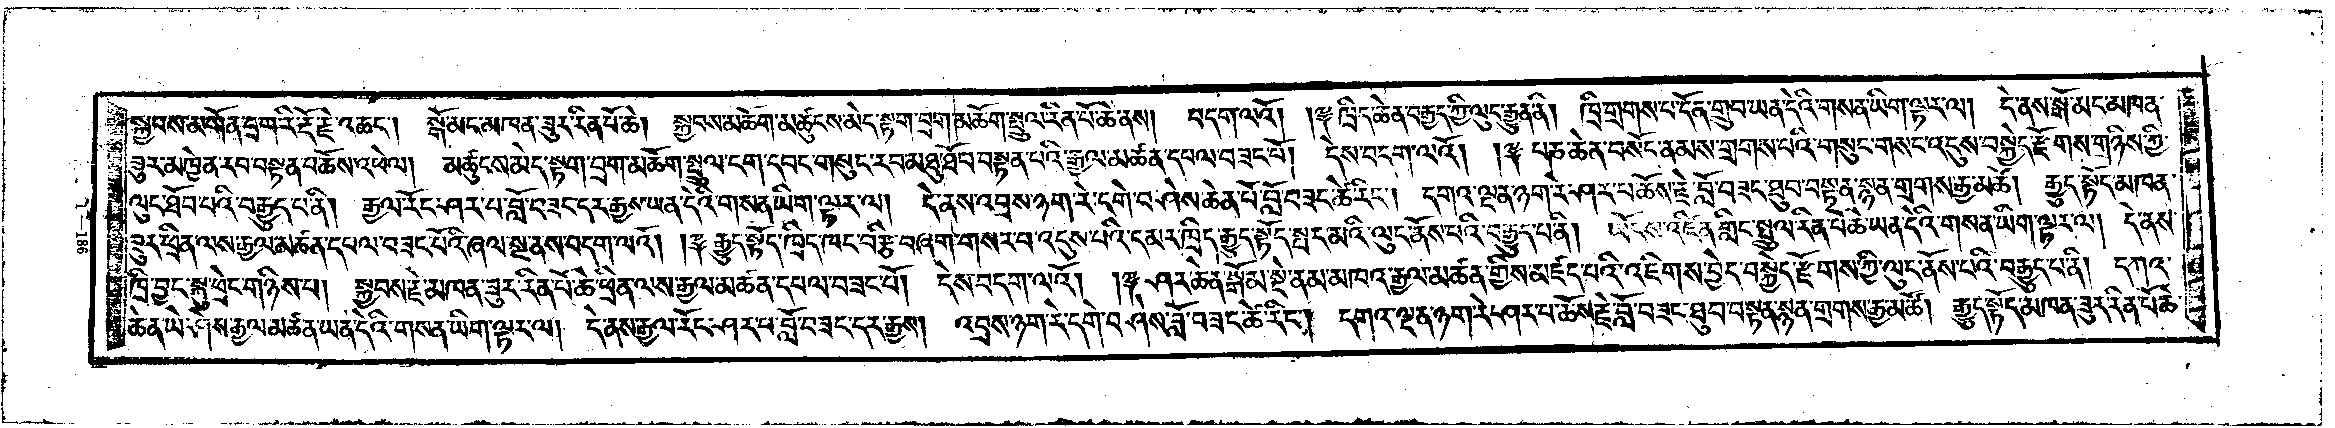སྐྱབས་མགོན་བྲག་རི་རྡོ་རྗེ་འཆང་། སྒོ་མང་མཁན་ཟུར་རིན་པོ་ཆེ། སྐྱབས་མཆོག་མཚུངས་མེད་སྟག་བྲག་མཆོག་སྤྲུལ་རིན་པོ་ཆེ་ནས། བདག་ལའོ། ། འ་ཁྲིད་ཆེན་བརྒྱད་ཀྱི་ལུང་རྒྱུན་ནི། ཁྲི་གྲགས་པ་དོན་གྲུབ་ཡན་དེའི་གསན་ཡིག་ལྟར་ལ། དེ་ནས་སྒོ་མང་མཁན་
ཟུར་མཁྱེན་རབ་བསྟན་པ་ཆོས་འཕེལ། མཚུངས་མེད་སྟག་བྲག་མཆོག་སྤྲུལ་ངག་དབང་གསུང་རབ་མཐུ་ཐོབ་བསྟན་པའི་རྒྱལ་མཚན་དཔལ་བཟང་པོ། དེས་བདག་ལའོ། ། ༈ པཎ་ཆེན་བསོད་ནམས་གྲགས་པའི་གསུང་གསང་འདུས་བསྐྱེད་རྫོགས་གཉིས་ཀྱི་
ལུང་ཐོབ་པའི་བརྒྱུད་པ་ནི། རྒྱལ་རོང་ཤར་བ་བློ་བཟང་དར་རྒྱས་ཡན་དེའི་གསན་ཡིག་ལྟར་ལ། དེ་ནས་འབྲས་ཉག་རེ་དགེ་བཤེས་ཆེན་པོ་བློ་བཟང་ཚེ་རིང་། དགའ་ལྡན་ཉག་རེ་ཤར་པ་ཆོས་རྗེ་བློ་བཟང་ཐུབ་བསྟན་སྙན་གྲགས་རྒྱ་མཚོ། རྒྱུད་སྟོད་མཁན་
ཟུར་ཕྲིན་ལས་རྒྱལ་མཚན་དཔལ་བཟང་པོའི་ཞལ་སྔ་ནས་བདག་ལའོ། ། ༈ རྒྱུད་སྟོད་ཁྲིད་ཁང་བརྩི་བཞག་གསར་བ་འདུས་པའི་དམར་ཁྲིད་རྒྱུད་སྟོད་སྤང་མའི་ལུང་ནོས་པའི་བརྒྱུད་པ་ནི། ཡོངས་འཛིན་གླིང་སྤྲུལ་རིན་པོ་ཆེ་ཡན་དེའི་གསན་ཡིག་ལྟར་ལ། དེ་ནས་
ཁྲི་བྱང་སྐུ་ཕྲེང་གཉིས་པ། སྐྱབས་རྗེ་མཁན་ཟུར་རིན་པོ་ཆེ་ཕྲིན་ལས་རྒྱལ་མཚན་དཔལ་བཟང་པོ། དེས་བདག་ལའོ། ། ༈ ཤར་ཆེན་སྒོམ་སྡེ་ནམ་མཁའ་རྒྱལ་མཚན་གྱིས་མཛད་པའི་འཇིགས་བྱེད་བསྐྱེད་རྫོགས་ཀྱི་ལུང་ནོས་པའི་བརྒྱུད་པ་ནི། དཀའ་
ཆེན་ཡེ་ཤེས་རྒྱལ་མཚན་ཡན་དེའི་གསན་ཡིག་ལྟར་ལ། དེ་ནས་རྒྱལ་རོང་ཤར་པ་བློ་བཟང་དར་རྒྱས། འབྲས་ཉག་རེ་དགེ་བཤེས་བློ་བཟང་ཚེ་རིང་། དགའ་ལྡན་ཉག་རེ་ཤར་པ་ཆོས་རྗེ་བློ་བཟང་ཐུབ་བསྟན་སྙན་གྲགས་རྒྱ་མཚོ། རྒྱུད་སྟོད་མཁན་ཟུར་རིན་པོ་ཆེ་